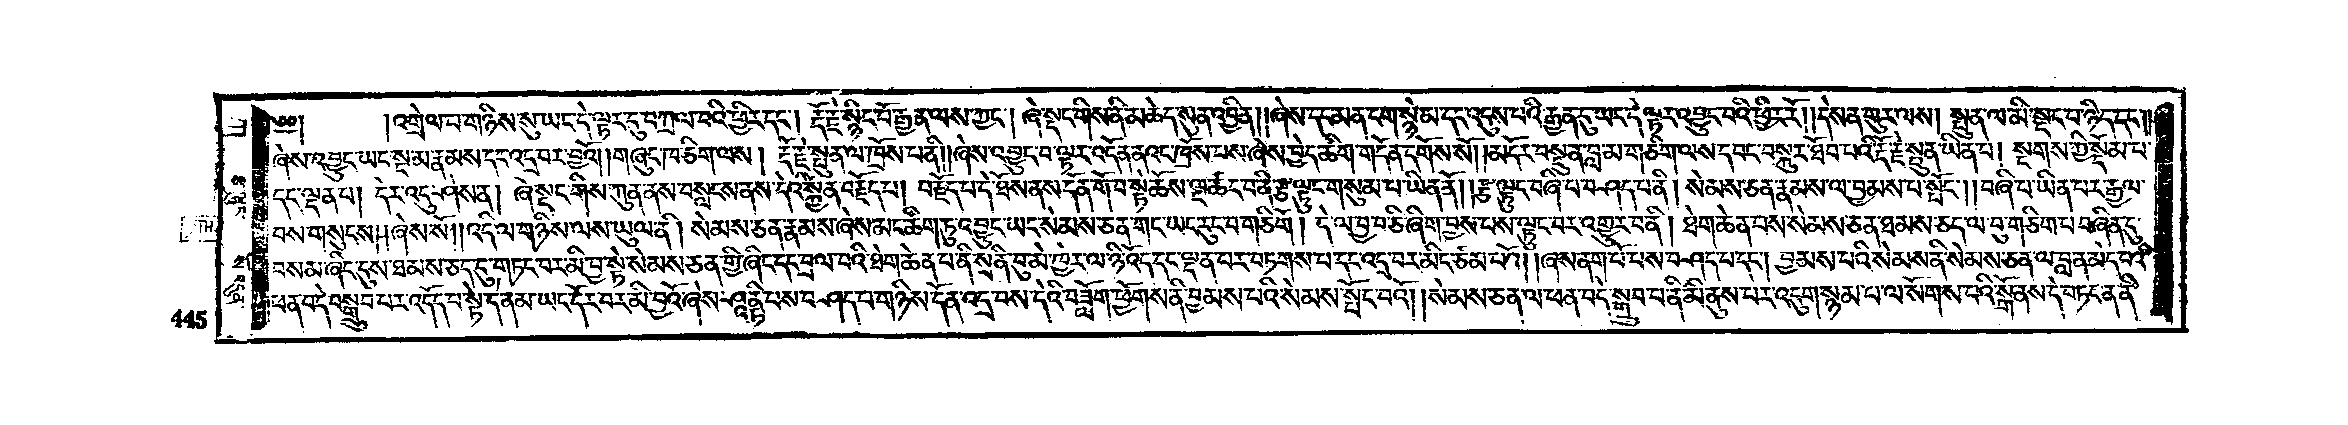༄༅། །འགྲེལ་པ་གཉིས་སུ་ཡང་དེ་ལྟར་དུ་བཀྲལ་བའི་ཕྱིར་དང་། རྡོ་རྗེ་སྙིང་པོ་རྒྱན་ལས་ཀྱང་། ཞེས་སྡང་གིས་ནི་མཆེད་སུན་འབྱིན། །ཞེས་དང་མན་ངག་སྙེམ་དང་འདུས་པའི་རྒྱན་དུ་ཡང་དེ་ལྟར་འབྱུང་བའི་ཕྱིར་རོ། །དེས་ན་གུར་ལས། སྤུན་ལ་མི་སྡང་པ་ཉིད་དང།།
ཞེས་འབྱུང་ཡང་སྔ་མ་རྣམས་དང་འདྲ་བར་བྱའོ། །གཞུང་ཁ་ཅིག་ལས། རྡོ་རྗེ་སྤུན་ལ་ཁྲོས་པ་ནི། །ཞེས་འབྱུང་བ་ལྟར་འདོན་ནའང་ཁྲོས་པས་ཞེས་བྱེད་ཚིག་གདོན་དགོས་སོ། །མདོར་བསྡུ་ན་བླ་མ་གཅིག་ལས་དབང་བསྐུར་ཐོབ་པའི་རྡོ་རྗེ་སྤུན་ཡིན་པ། སྔགས་ཀྱི་སྡོམ་པ་
དང་ལྡན་པ། དེར་འདུ་ཤེས་ན། ཞེ་སྡང་གིས་ཀུན་ནས་བསླངས་ནས་དེའི་སྐྱོན་བརྗོད་པ། བརྗོད་པ་དེ་ཐོས་ནས་དོན་གོ་བ་སྟེ་ཆོས་ལྔ་ཚང་བ་ནི་རྩ་ལྟུང་གསུམ་པ་ཡིན་ནོ། །རྩ་ལྟུང་བཞི་པ་བཤད་པ་ནི། སེམས་ཅན་རྣམས་ལ་བྱམས་པ་སྤོང་། །བཞི་པ་ཡིན་པར་རྒྱལ་
བས་གསུངས། །ཞེས་སོ། །འདི་ལ་གཉིས་ལས་ཡུལ་ནི། སེམས་ཅན་རྣམས་ཞེས་མང་ཚིག་ཏུ་འབྱུང་ཡང་སེམས་ཅན་གང་ཡང་རུང་བ་གཅིག་གོ །དེ་ལ་བྱ་བ་ཅི་ཞིག་བྱས་པས་ལྟུང་བར་འགྱུར་བ་ནི། ཐེག་ཆེན་པས་སེམས་ཅན་ཐམས་ཅད་ལ་བུ་གཅིག་པ་བཞིན་དུ་
བསམ་ཞིང་དུས་ཐམས་ཅད་དུ་གཏང་བར་མི་བྱ་སྟེ་སེམས་ཅན་གྱི་ཞིང་དང་བྲལ་བའི་ཐེག་ཆེན་པ་ནི་སྲིན་བུ་མེ་ཁྱེར་ལ་ཉི་འོད་དང་ལྡན་པར་བཏགས་པ་དང་འདྲ་བར་མིང་ཙམ་པའོ། །ཞས་ནག་པོ་པས་བཤད་པ་དང་། བྱམས་པའི་སེམས་ནི་སེམས་ཅན་ལ་བླ་ན་མེད་པའི་
ཕན་བདེ་བསྒྲུབ་པར་འདོད་པ་སྟེ་དེ་ནམ་ཡང་དོར་བར་མི་བྱའོ་ཞེས་ཤཱནྟི་པས་བཤད་པ་གཉིས་དོན་འདྲ་བས་དེའི་བཟློག་ཕྱོགས་ནི་བྱམས་པའི་སེམས་སྤོང་བའོ། །སེམས་ཅན་ལ་ཕན་བདེ་སྒྲུབ་པ་ནི་མི་ནུས་པར་འདུག་སྙམ་པ་ལ་སོགས་པའི་སྒོ་ནས་དེ་བཏང་ན་ནི་